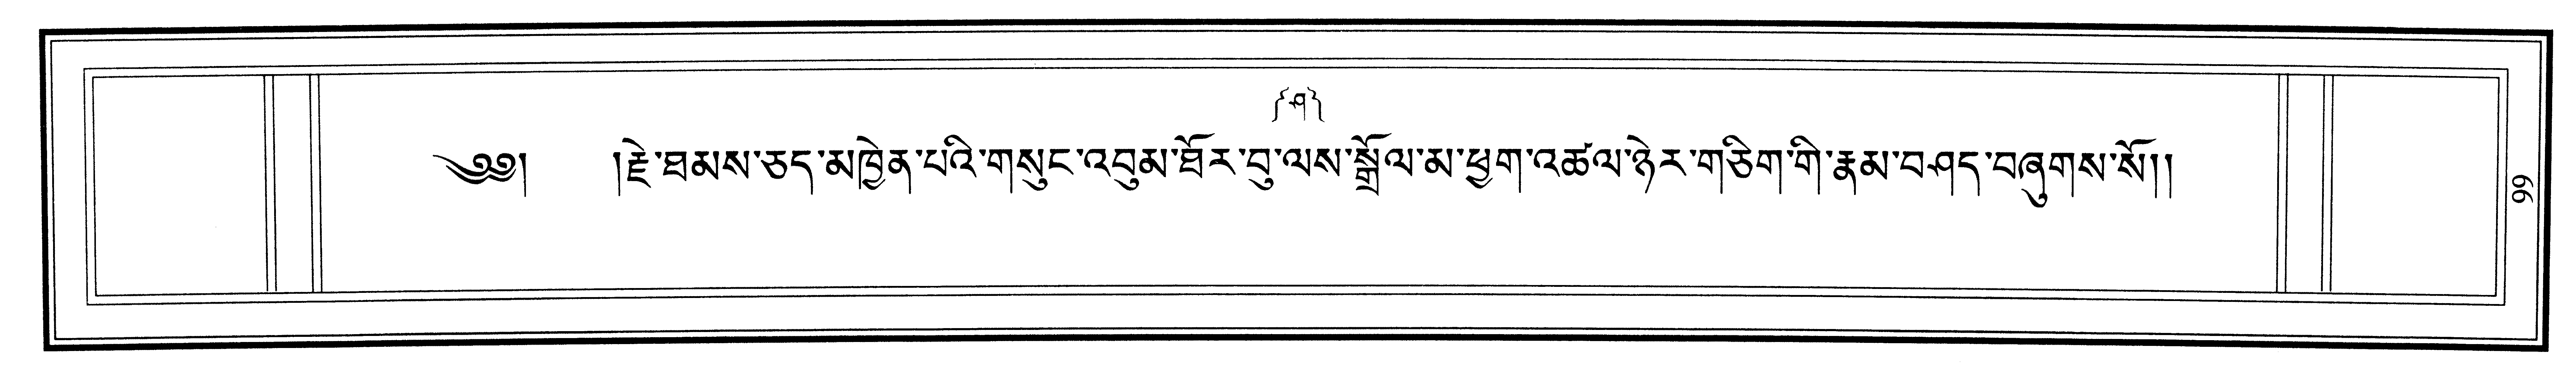༄༅། །རྗེ་ཐམས་ཅད་མཁྱེན་པའི་གསུང་འབུམ་ཐོར་བུ་ལས་སྒྲོལ་མ་ཕྱག་འཚལ་ཉེར་གཅིག་གི་རྣམ་བཤད་བཞུགས་སོ།།